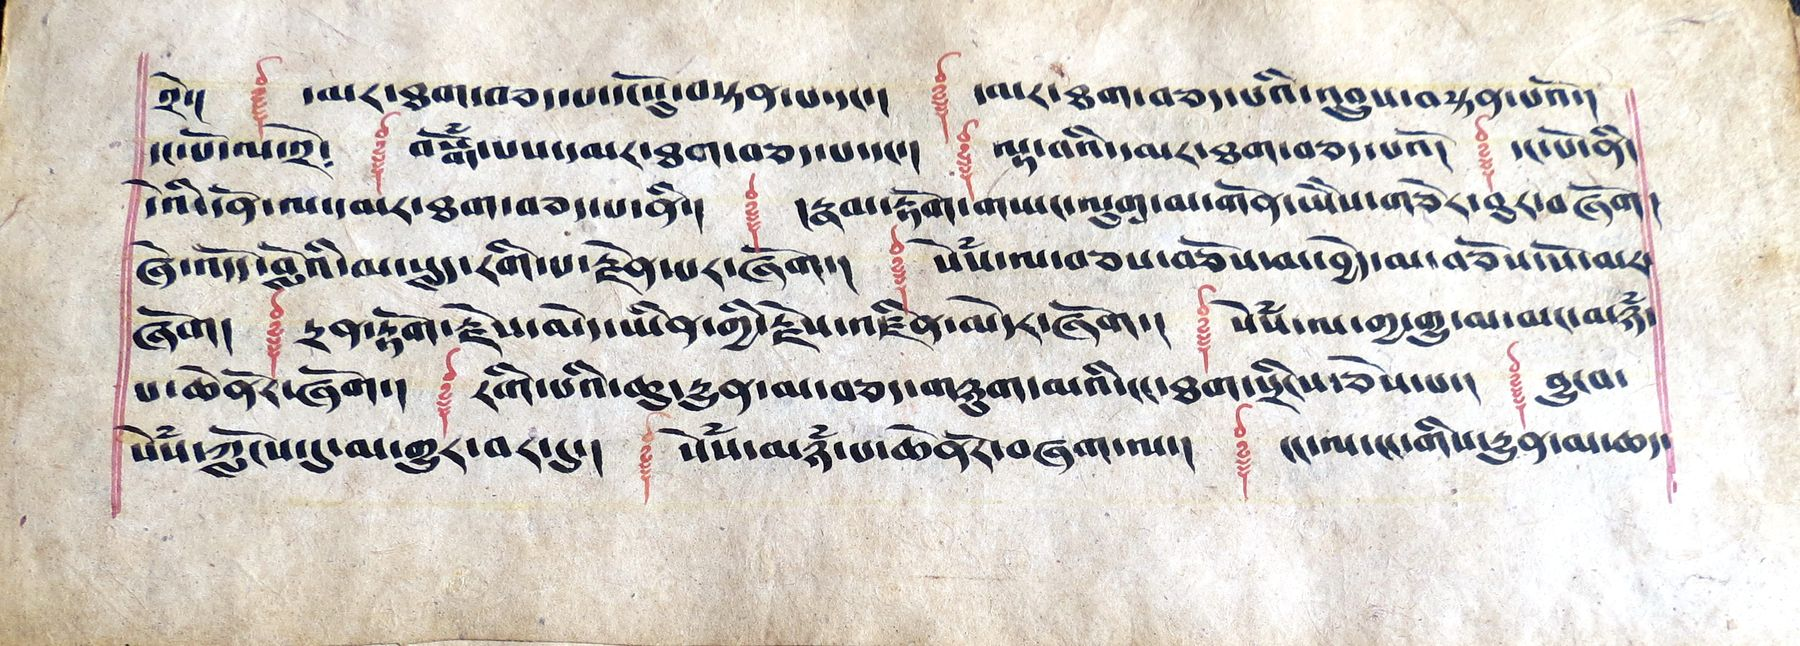གཉིས་ཏེ། དམར་ཐག་བཅད་པ་དངོས་སུ་བསྟན་པ་དང་། དམར་ཐག་བཅད་པའི་འབྲས་བུ་བསྟན་པའོ། །
དང་པོ་ལ་གཉིས་ཏེ། སྒོམ་པས་དམར་ཐག་བཅད་པ་དང་། ལྟ་བས་དམར་ཐག་བཅད་པའོ། །དང་པོ་ནི། 
དེའི་དོན་ལ་དམར་ཐག་བཅད་པ་ནི། རྣམ་རྟོག་གཡང་ལུགས་མ་སྐོན་ཡེ་ཤེས་གཅེར་བུར་ཞོག། 
ཞེ་འདོད་བློ་ཡིས་མ་བསླད་རིག་པ་རྗེན་པར་ཞོག། སེམས་ལ་བཅས་བཅོས་མ་བྱེད་མ་བཅོས་སོ་མར་
ཞོག། དྲན་རྟོག་རྗེས་མེད་ཡིན་གྱི་རྗེས་འཛིན་མེད་པར་ཞོག། སེམས་ལ་གྱ་གྱུ་མ་མང་མཉམ་
པ་ཆེན་པོར་ཞོག། རིག་པའི་ཆུ་རྒྱུན་མ་བཅད་གཉུག་མའི་ངང་ཐག་སྲིངས་ཞེས་པས། བྱུང་ཆུབ་
སེམས་ཀློང་དུ་མ་གྱུར་བར་དུ། སེམས་མཉམ་པ་ཆེན་པོར་བཞག་ལ། ངང་ལ་ངང་གིས་རྒྱུན་མི་བཅད་